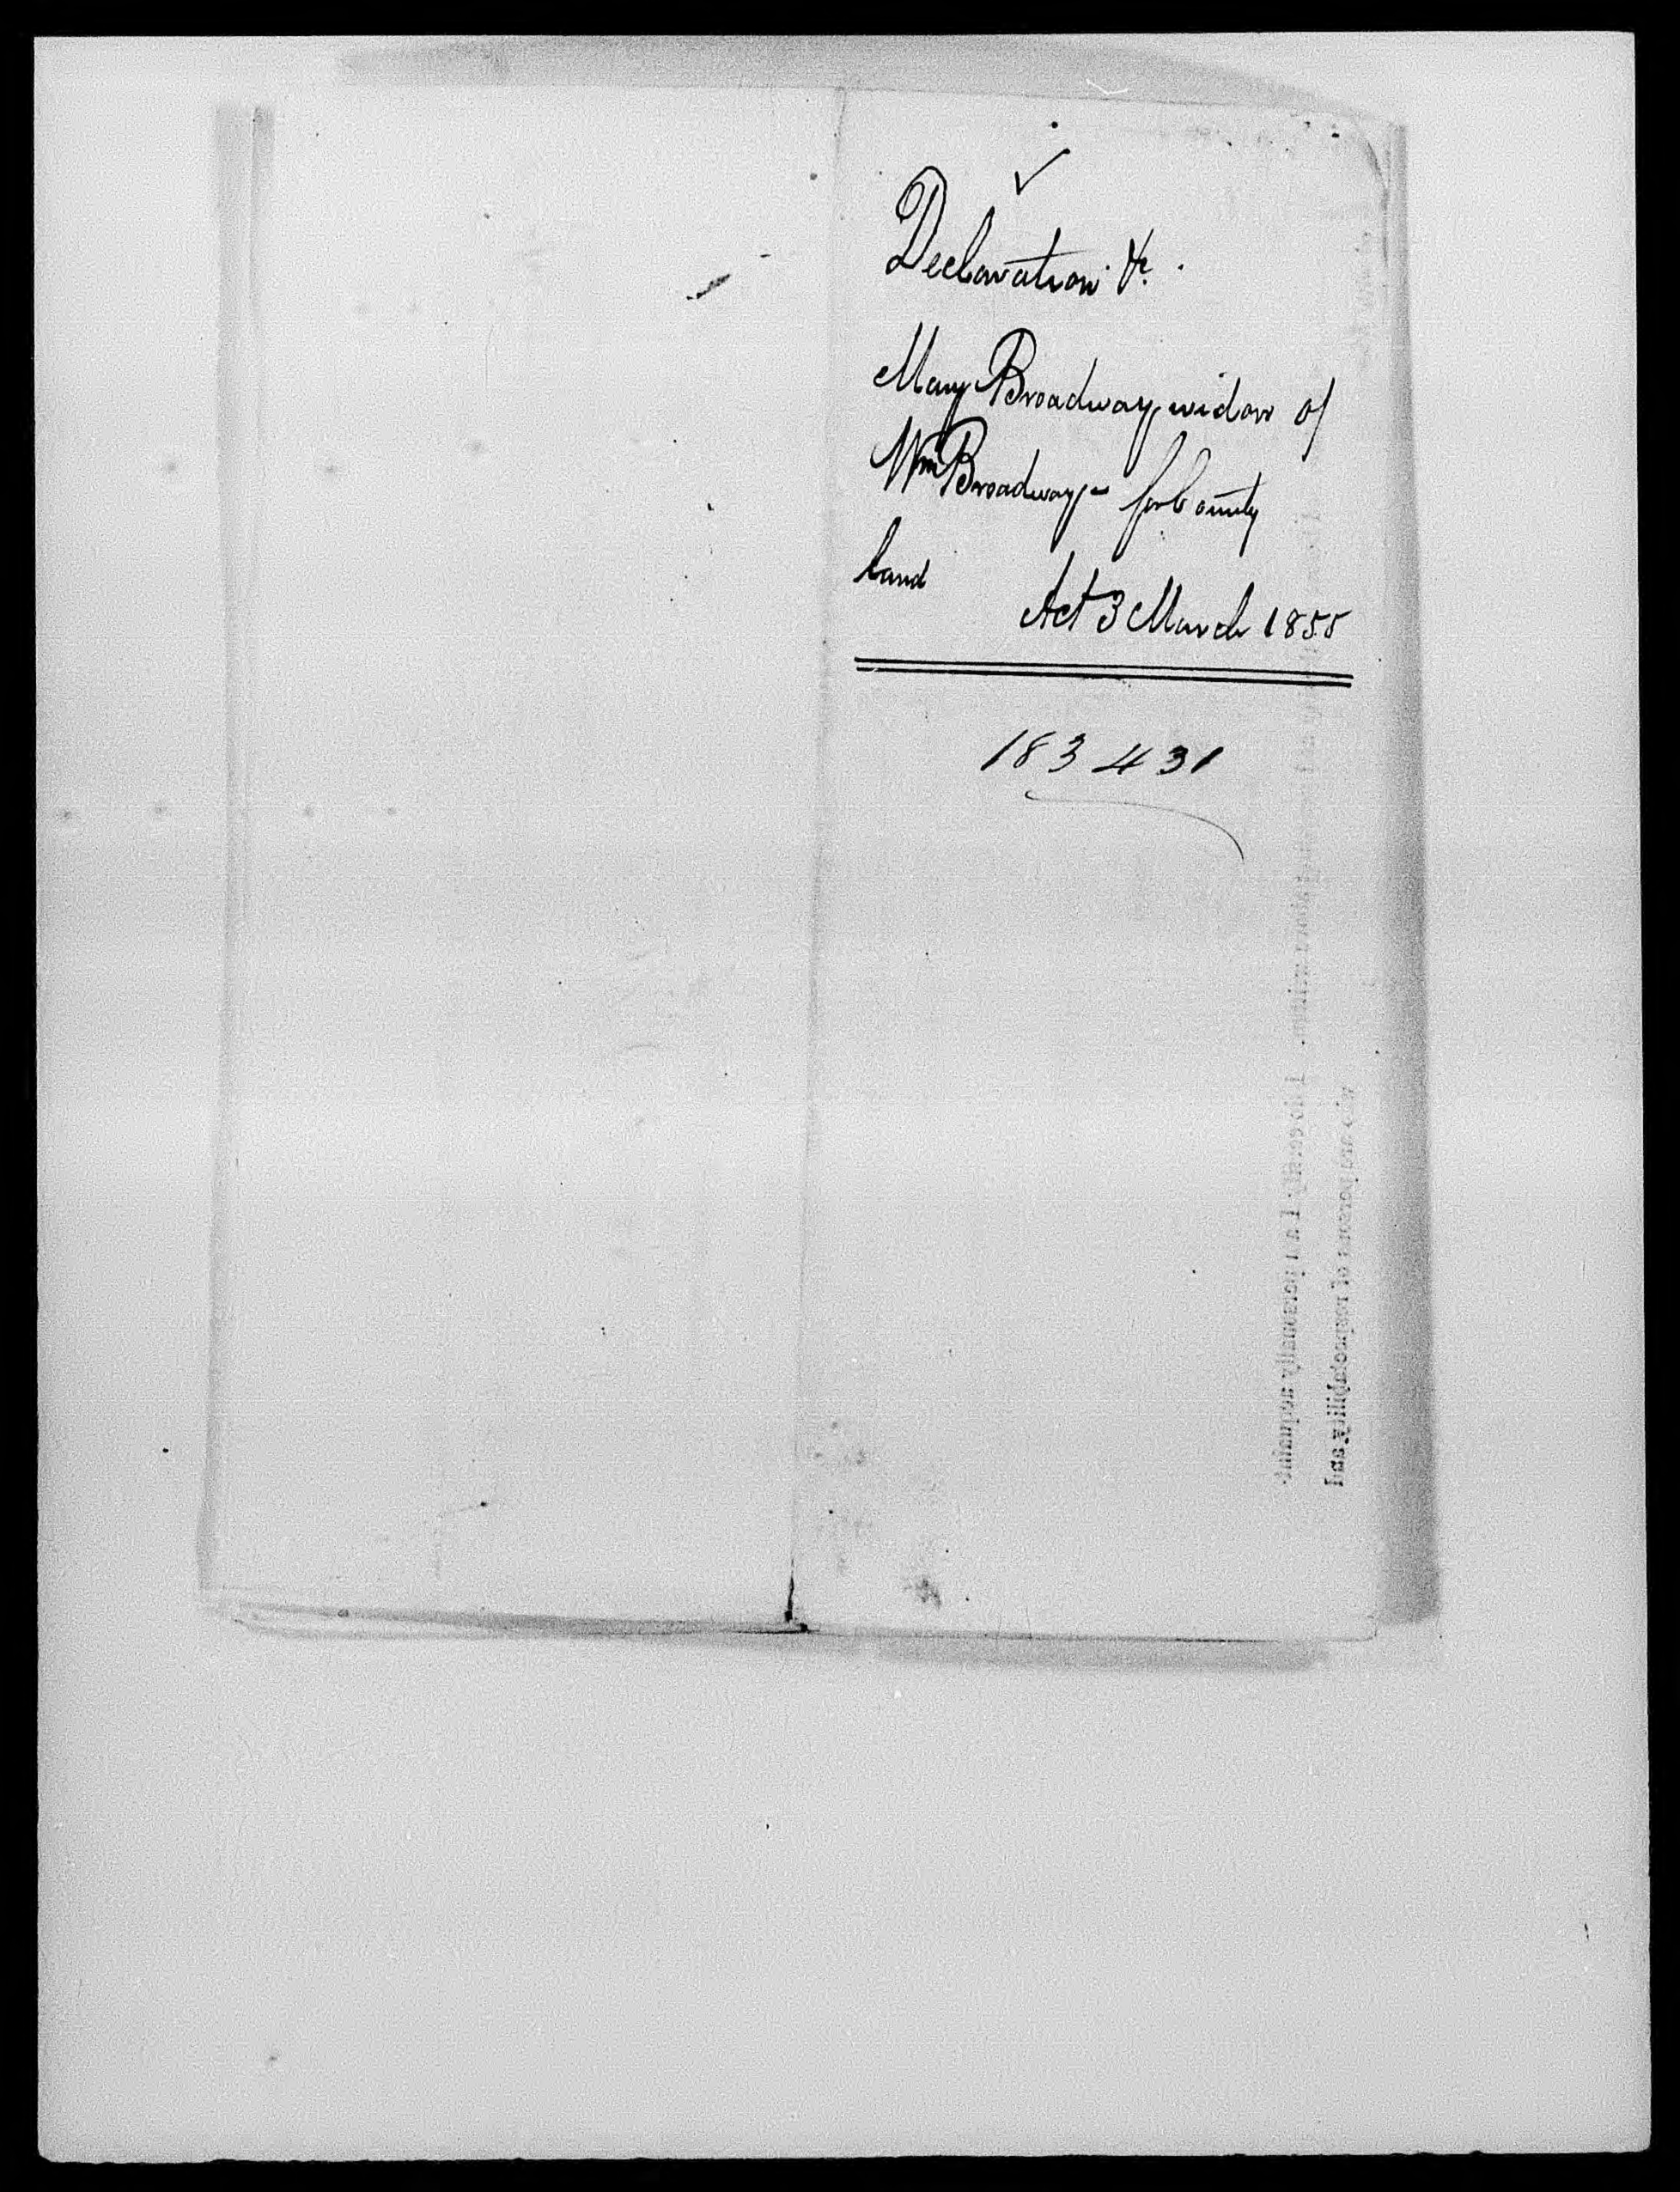√
Declaration &c.
land
Mary Broadway widow of
Wm Broadway for Bounty
land

Act 3 March 1855
==================
183431
_______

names: Mary Broadway, Wm Broadway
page: 6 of 98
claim: widow's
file: W. 8398, William Broadway, S.C.